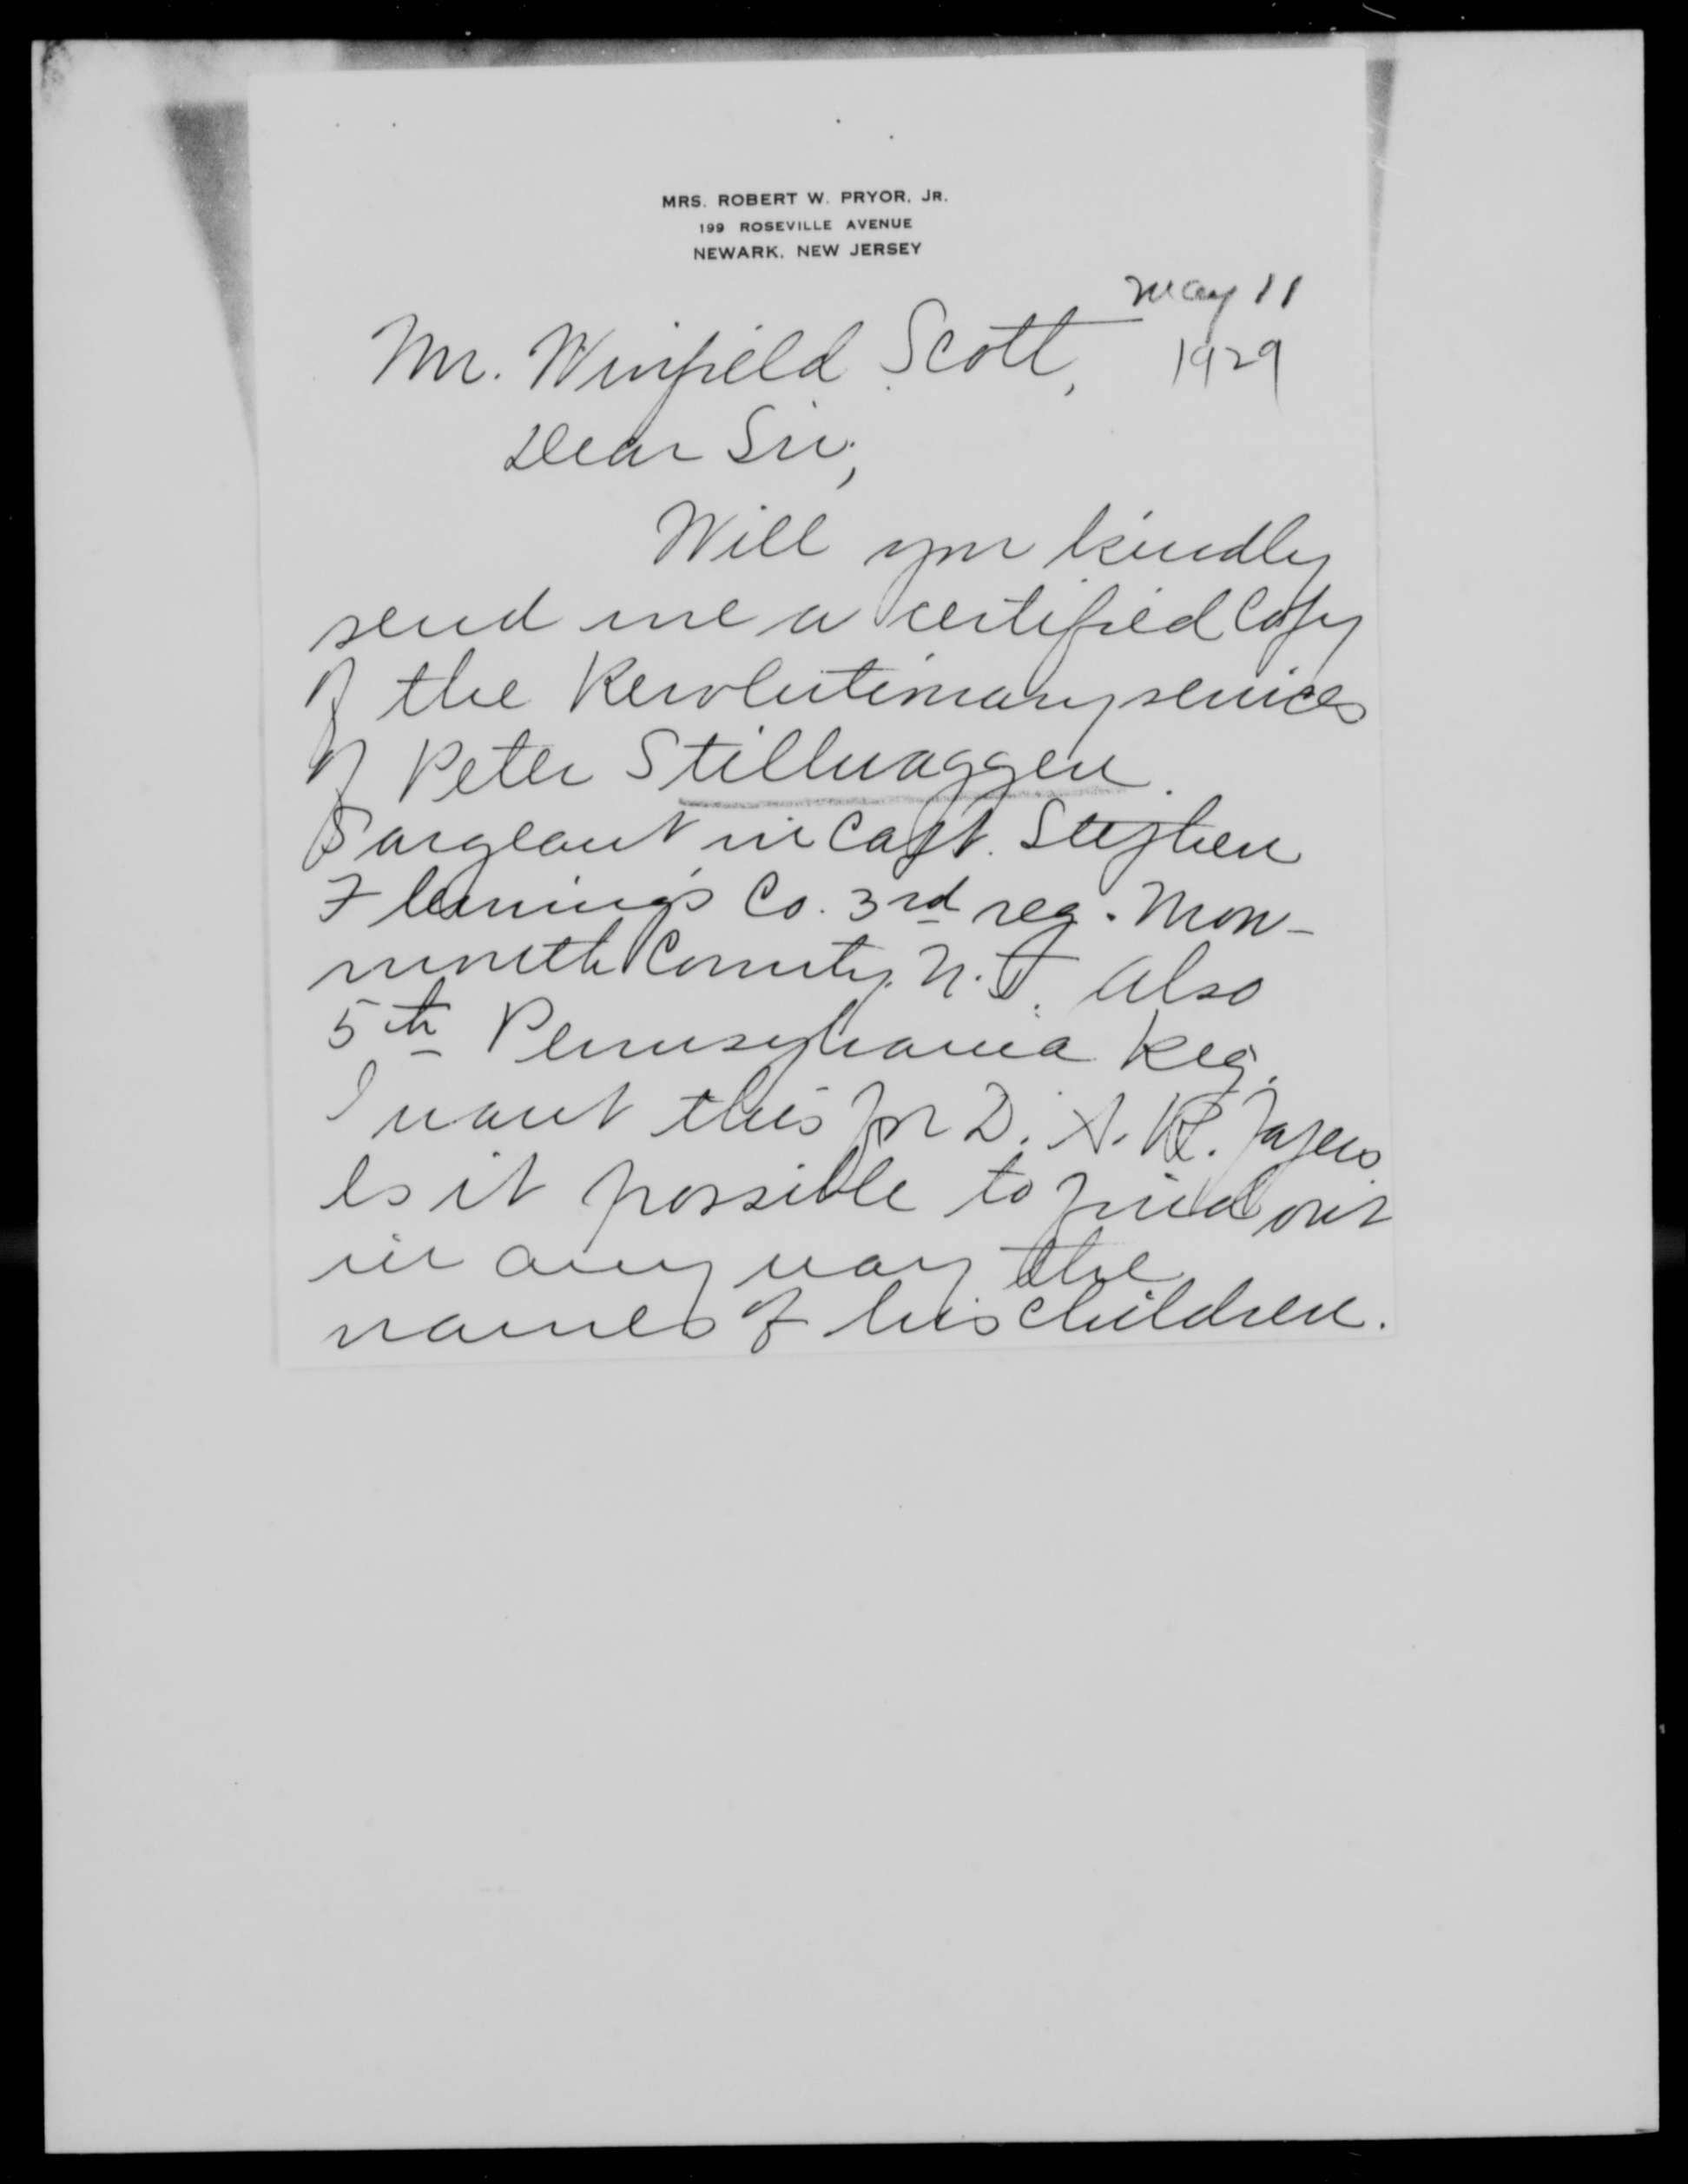[Letterhead]
Mrs. Robert W. Pryor, Jr.
199 Roseville Avenue
Newark, New Jersey
[Letterhead]
May 11, 1929
Mr. Winfield Scott,
Dear Sir,
Will you kindly send me a certified copy of the Revolutionary services of Peter Stillwaggen [sic] Sargeant in Capt Stephen Fleming’s Co. 3rd reg. Monmouth County, NJ. Also 5th Pennsylvania Reg. I want this for D.A.R. [illegible] Is it possible to find out in any way the names of his children.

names: Winfield Scott; Robert W Pryor; Peter Stillwaggen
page: 32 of 73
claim: widow's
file: W. 3197, for Peter Stillwagon, New Jersey